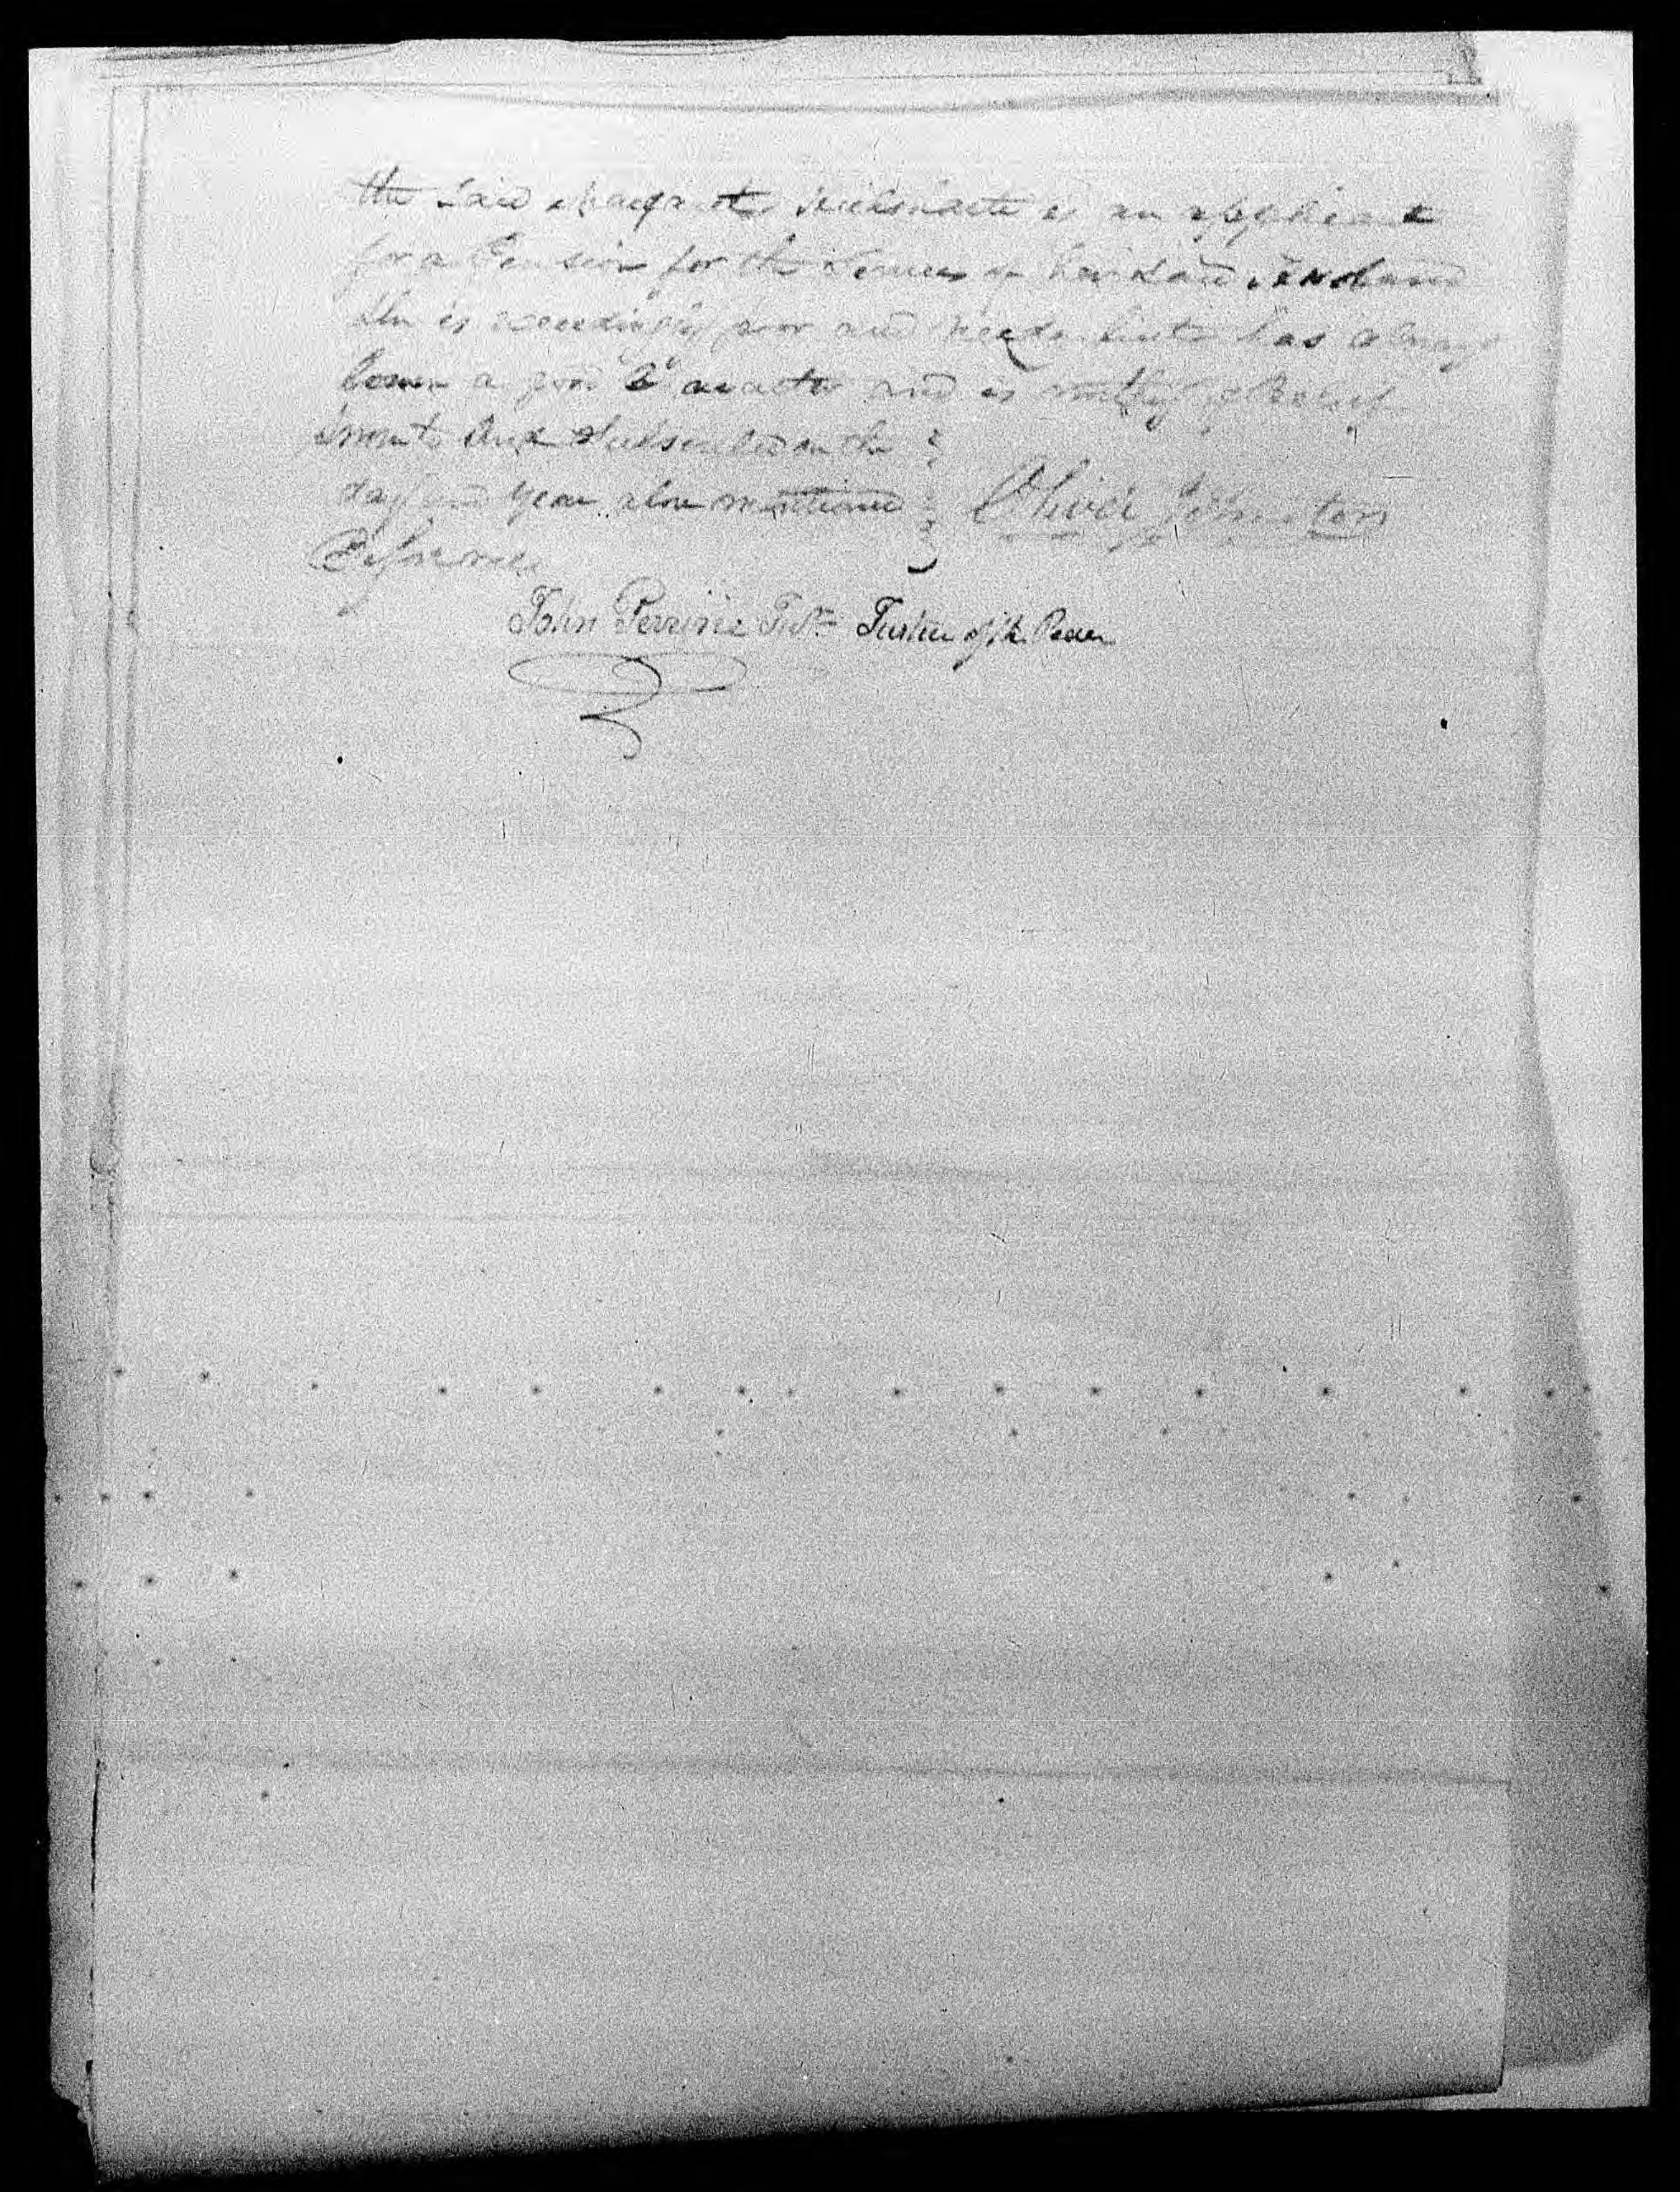the said Margaret Hulshart is an applicant for a 
pension for the service of her said husband. She is exceedingly poor and needy but has always been a good character and is worthy of belief 
Oliver Johnston

Sworn to and subscribed on the
day & year above mentioned
before me.
John Perrine Junr. Justice of the Peace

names: John Perrine, Oliver Johnston, Margaret Hulsharte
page: 32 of 34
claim: widow's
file: W. 940, John Hulshart, New Jersey